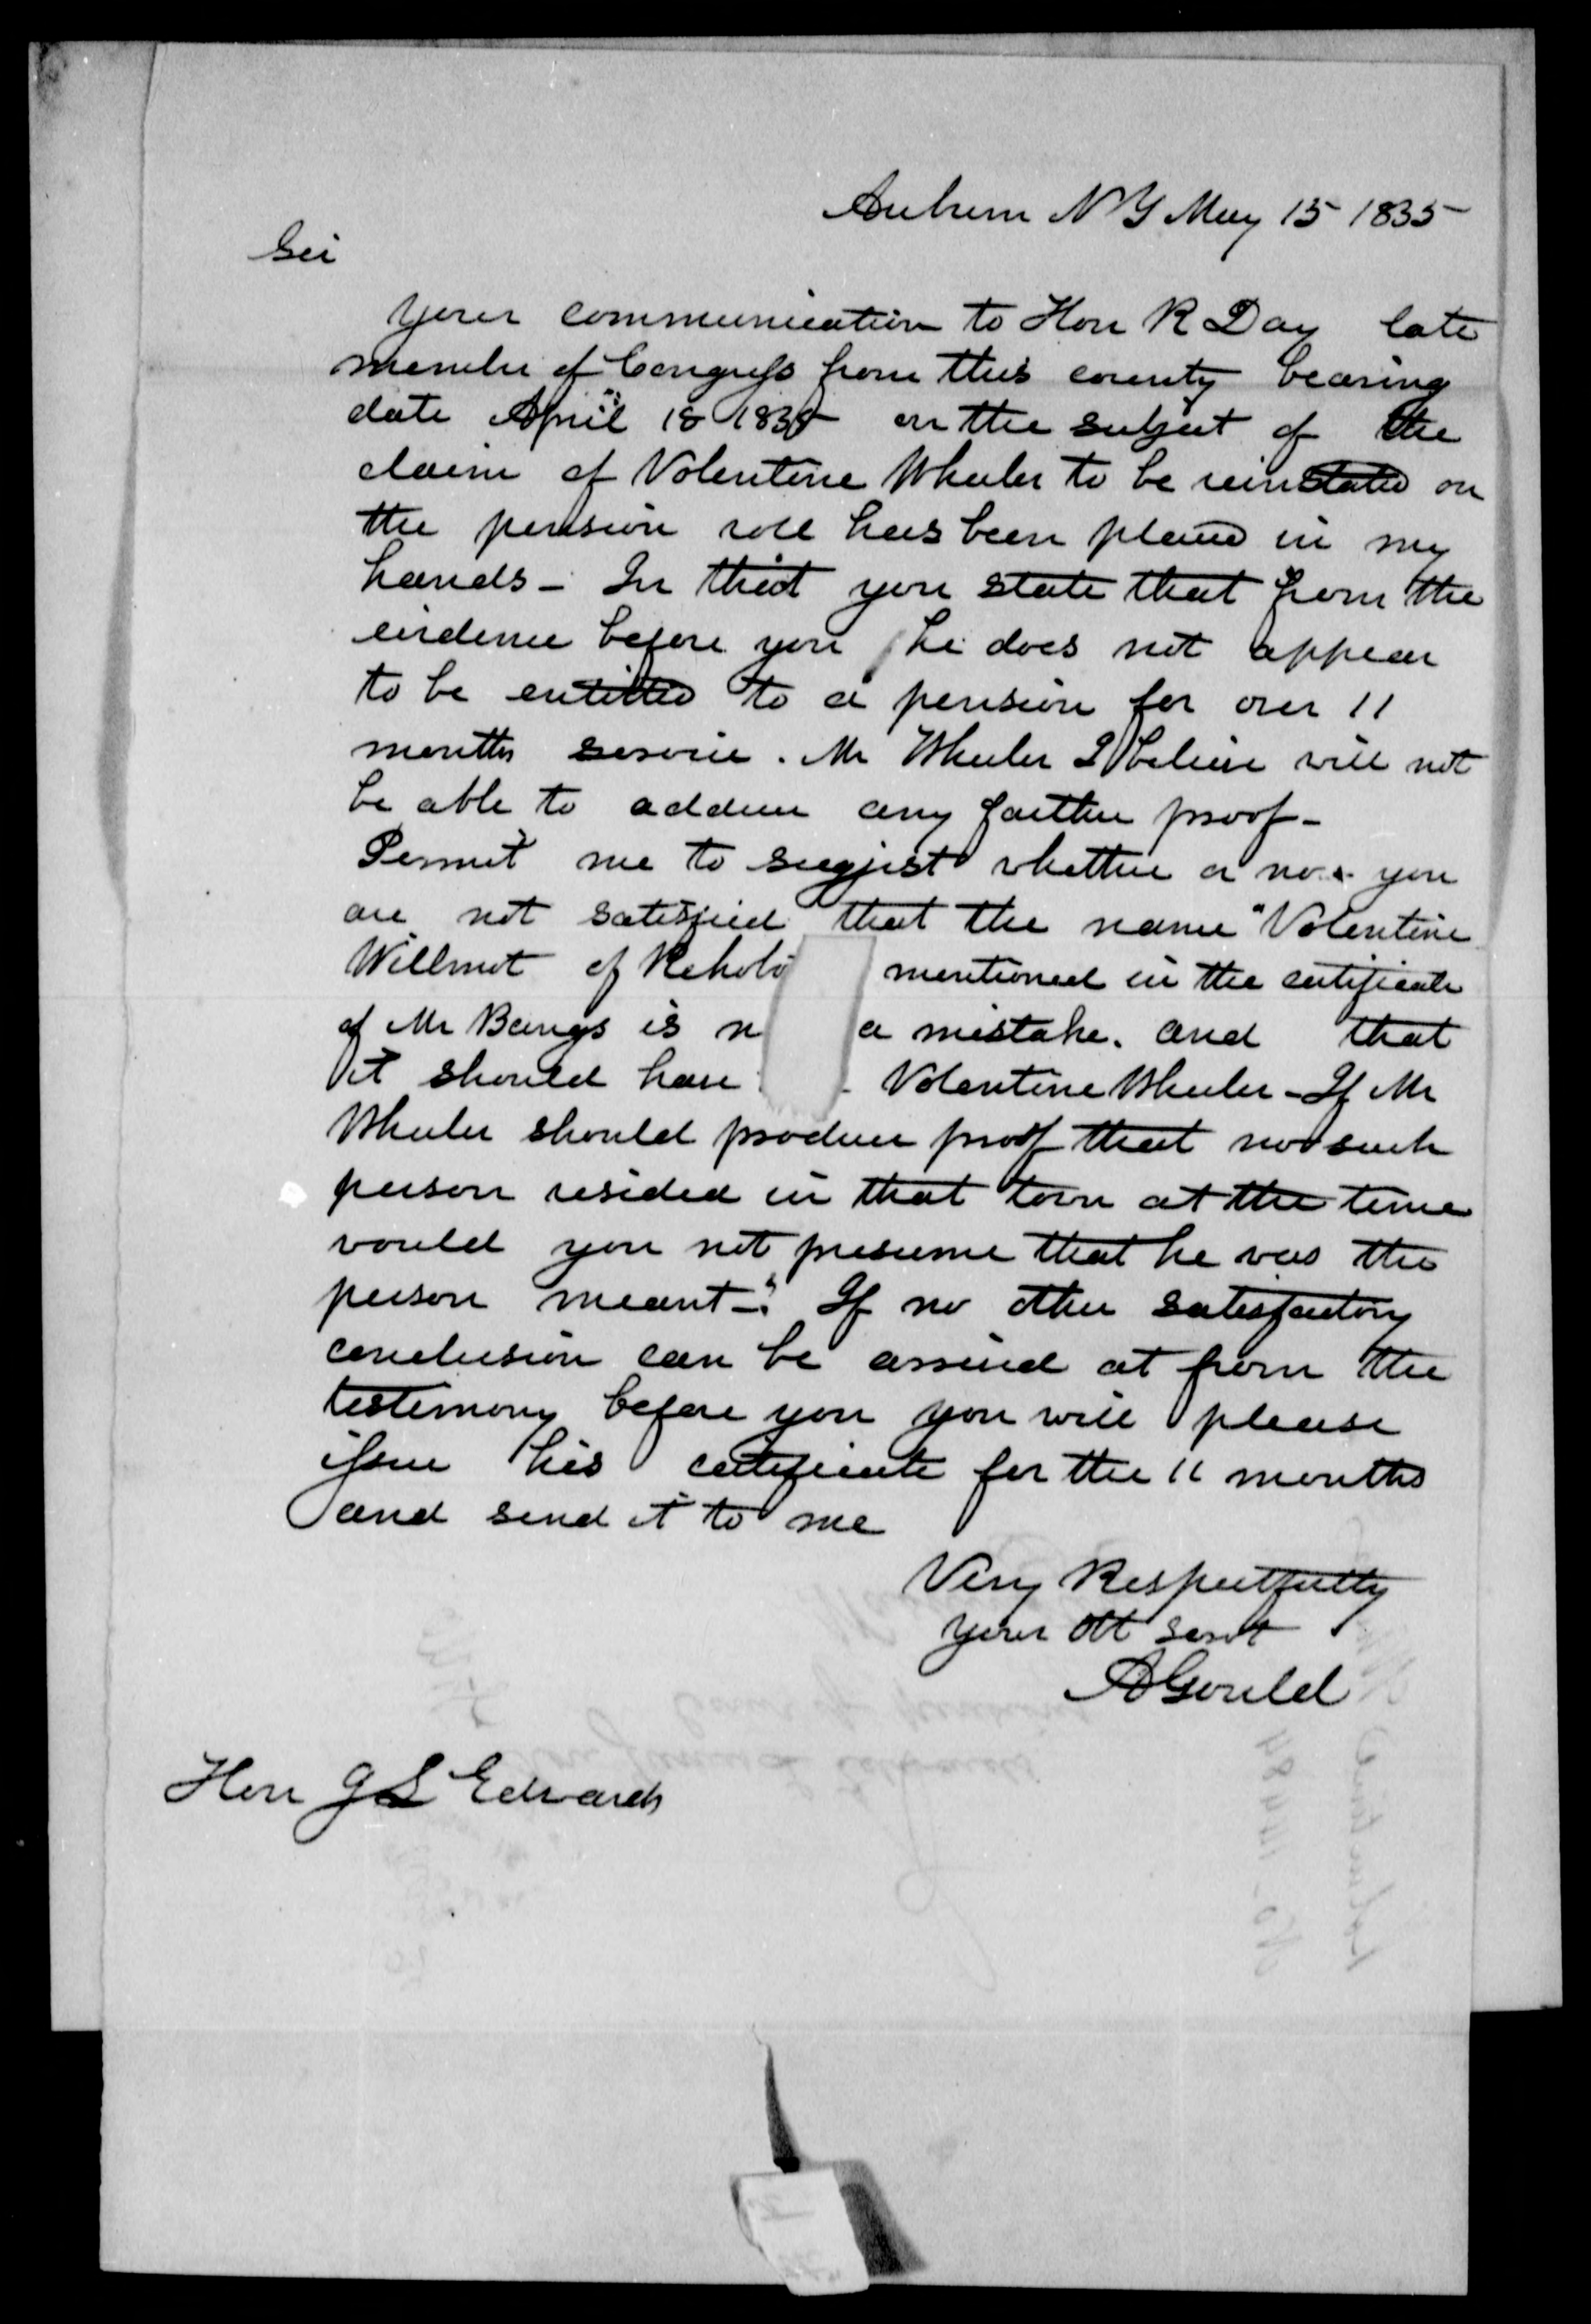Auburn N. Y. May 15, 1835

Sir,
Your communication to Hon. R. Day late member of Congress from this county bearing date April 18. 1935 on the subject of the claim of Volentine Wheeler to be reinstated on the pension roll has been placed in my hands. In that you state that from the evidence before you he does not appear to be entitled to a pension for over 11 months service. Mr. Wheeler I believe will not be able to address any further proof. Permit me to suggest whether or not you are not satisfied that the name "Volentine Willmot of Rehoboth" mentioned in the certificate of Mr. Bangs is (torn) a mistake, and that it should have (torn)
Volentine Wheeler. If Mr. Wheeler should produce proof that no such person resided in that town at the time would you not presume the he was the person meant. If no other satisfactory conclusion can be arrived at from the testimony before you you will please issue his certificate for the 11 months and sent it to me.
Very Respectfully
Your obt. sevt. 
A. Gould

Hon. J. L. Edwards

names: J L Edwards, Volentine Willmot, Bangs, A Gould, R Day, Volentine Wheeler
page: 82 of 98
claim: widow's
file: W. 1682, Valentine Wheeler, Mass.